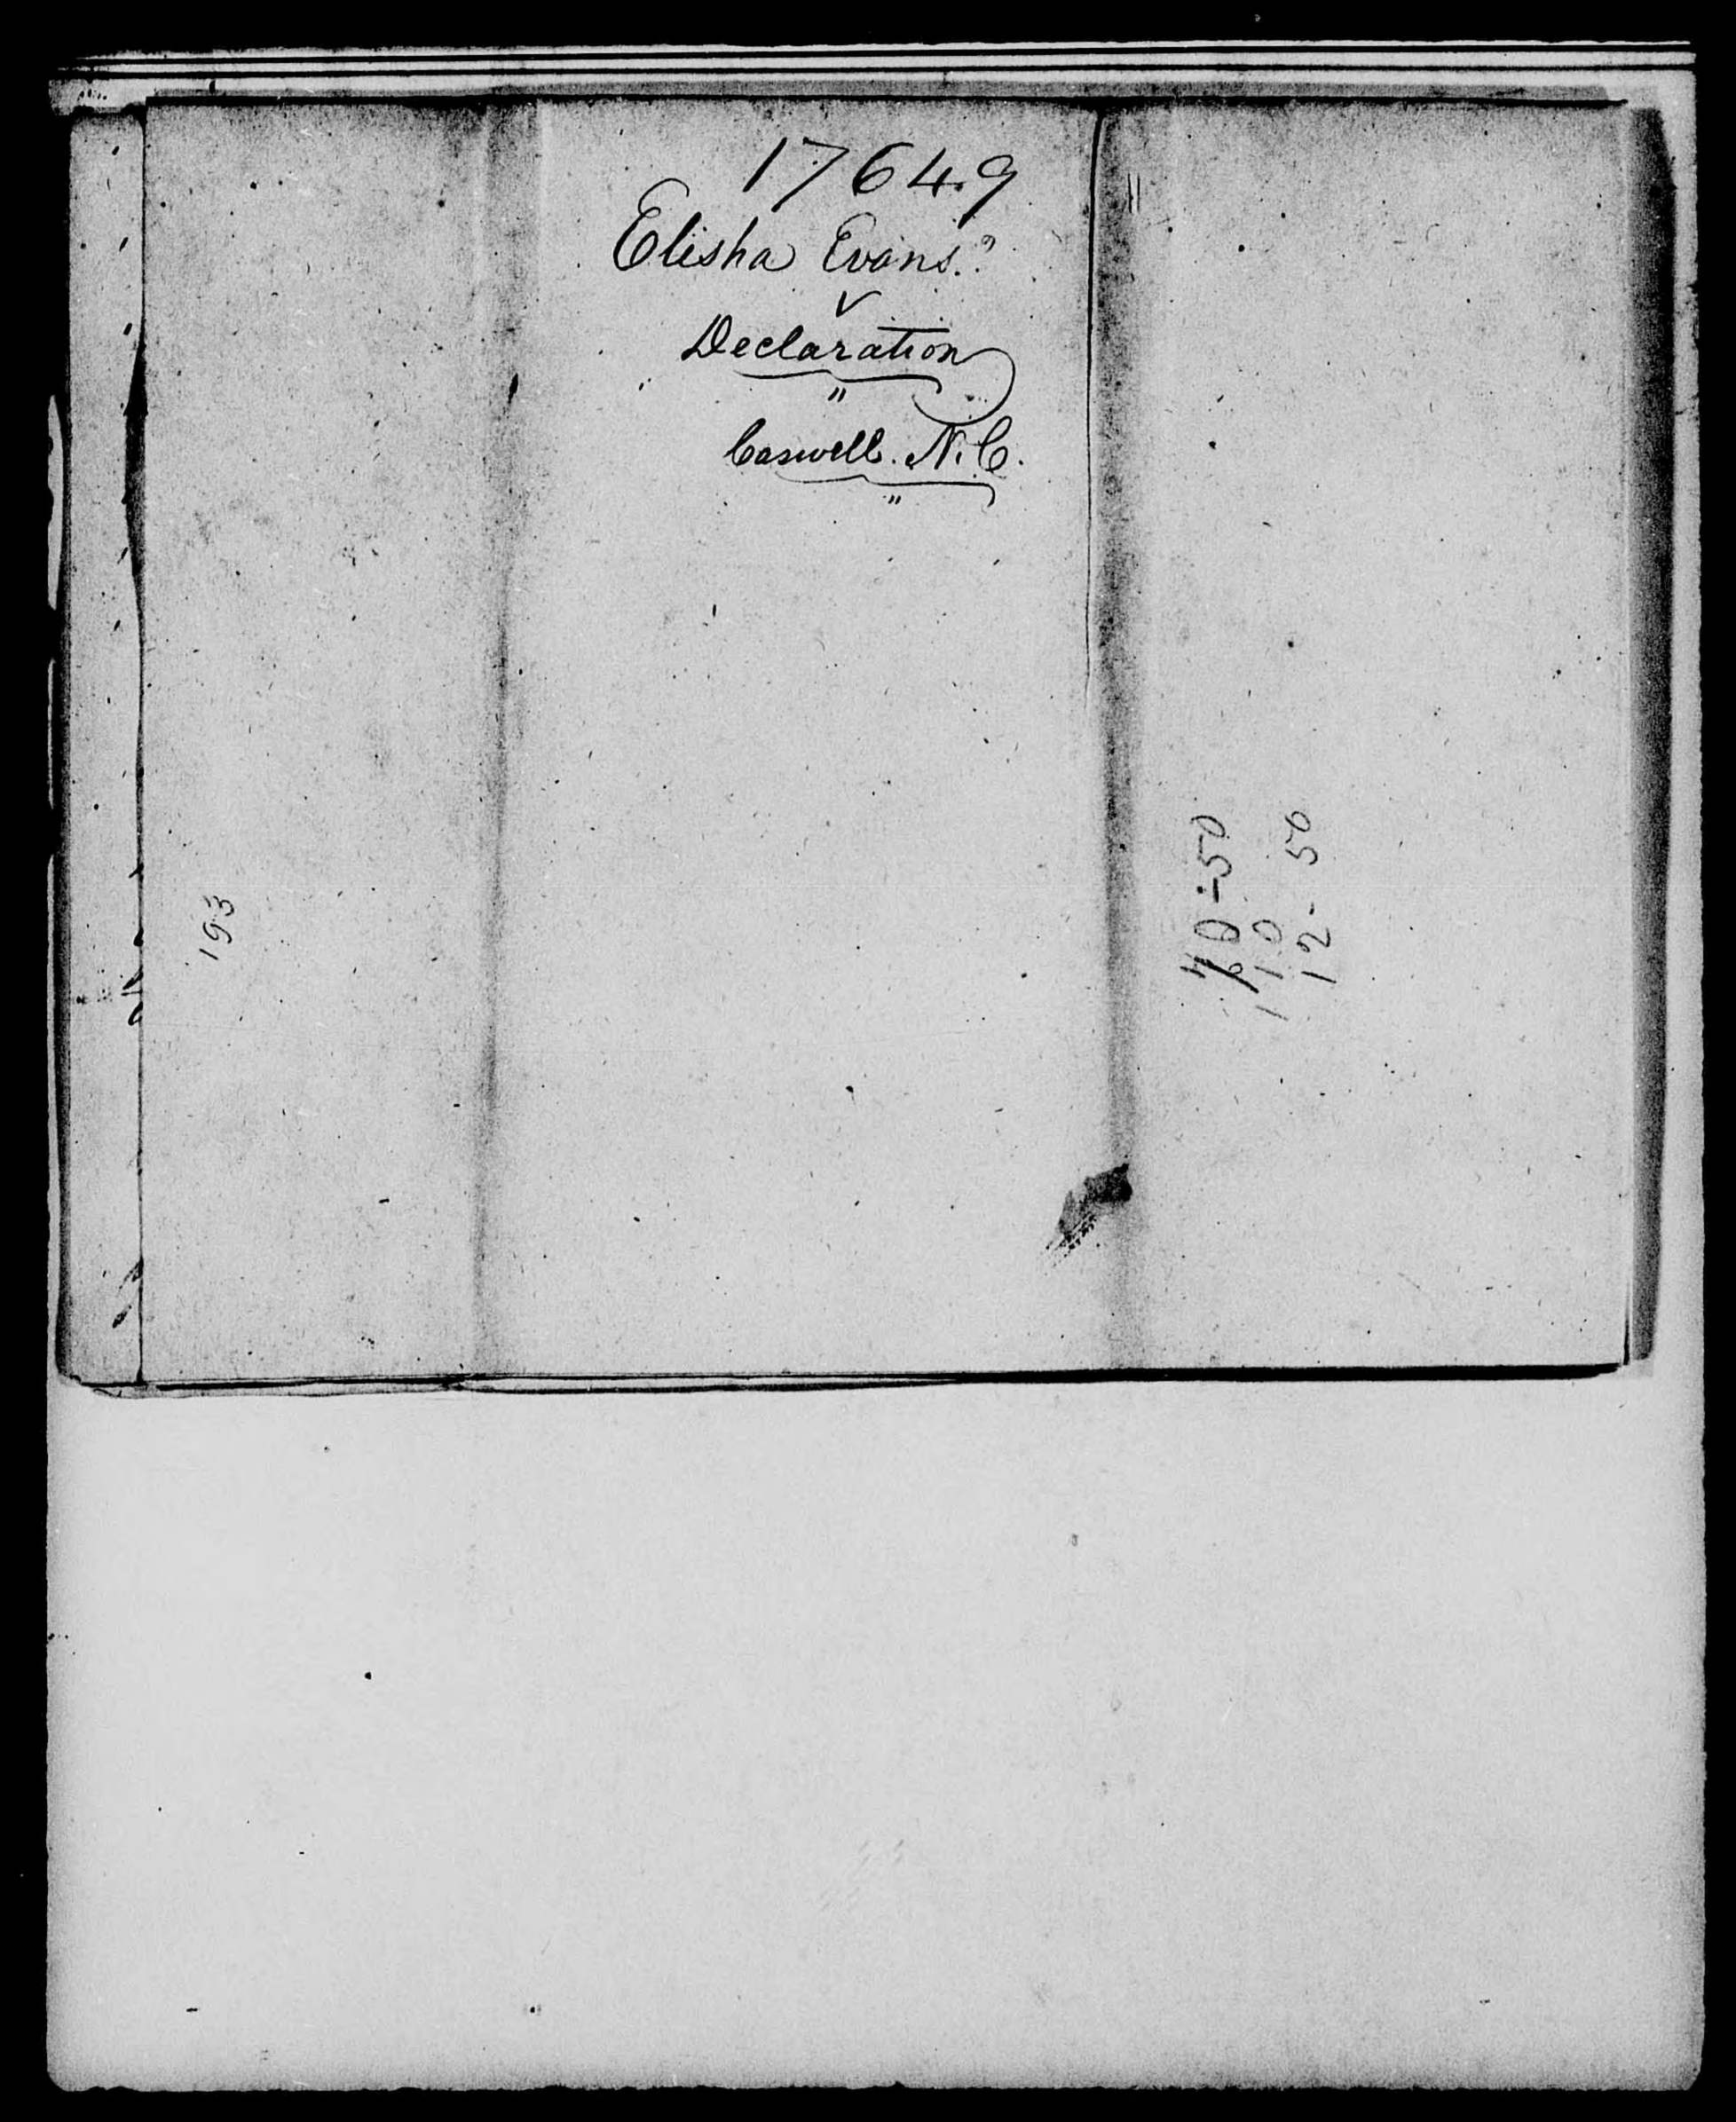193

17649
Elisha Evans v Declaration Caswell, N.C.

70-50
110
12.50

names: Elisha Evans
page: 4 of 29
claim: survivor's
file: S. 6830, Elisha Evans, N.C.